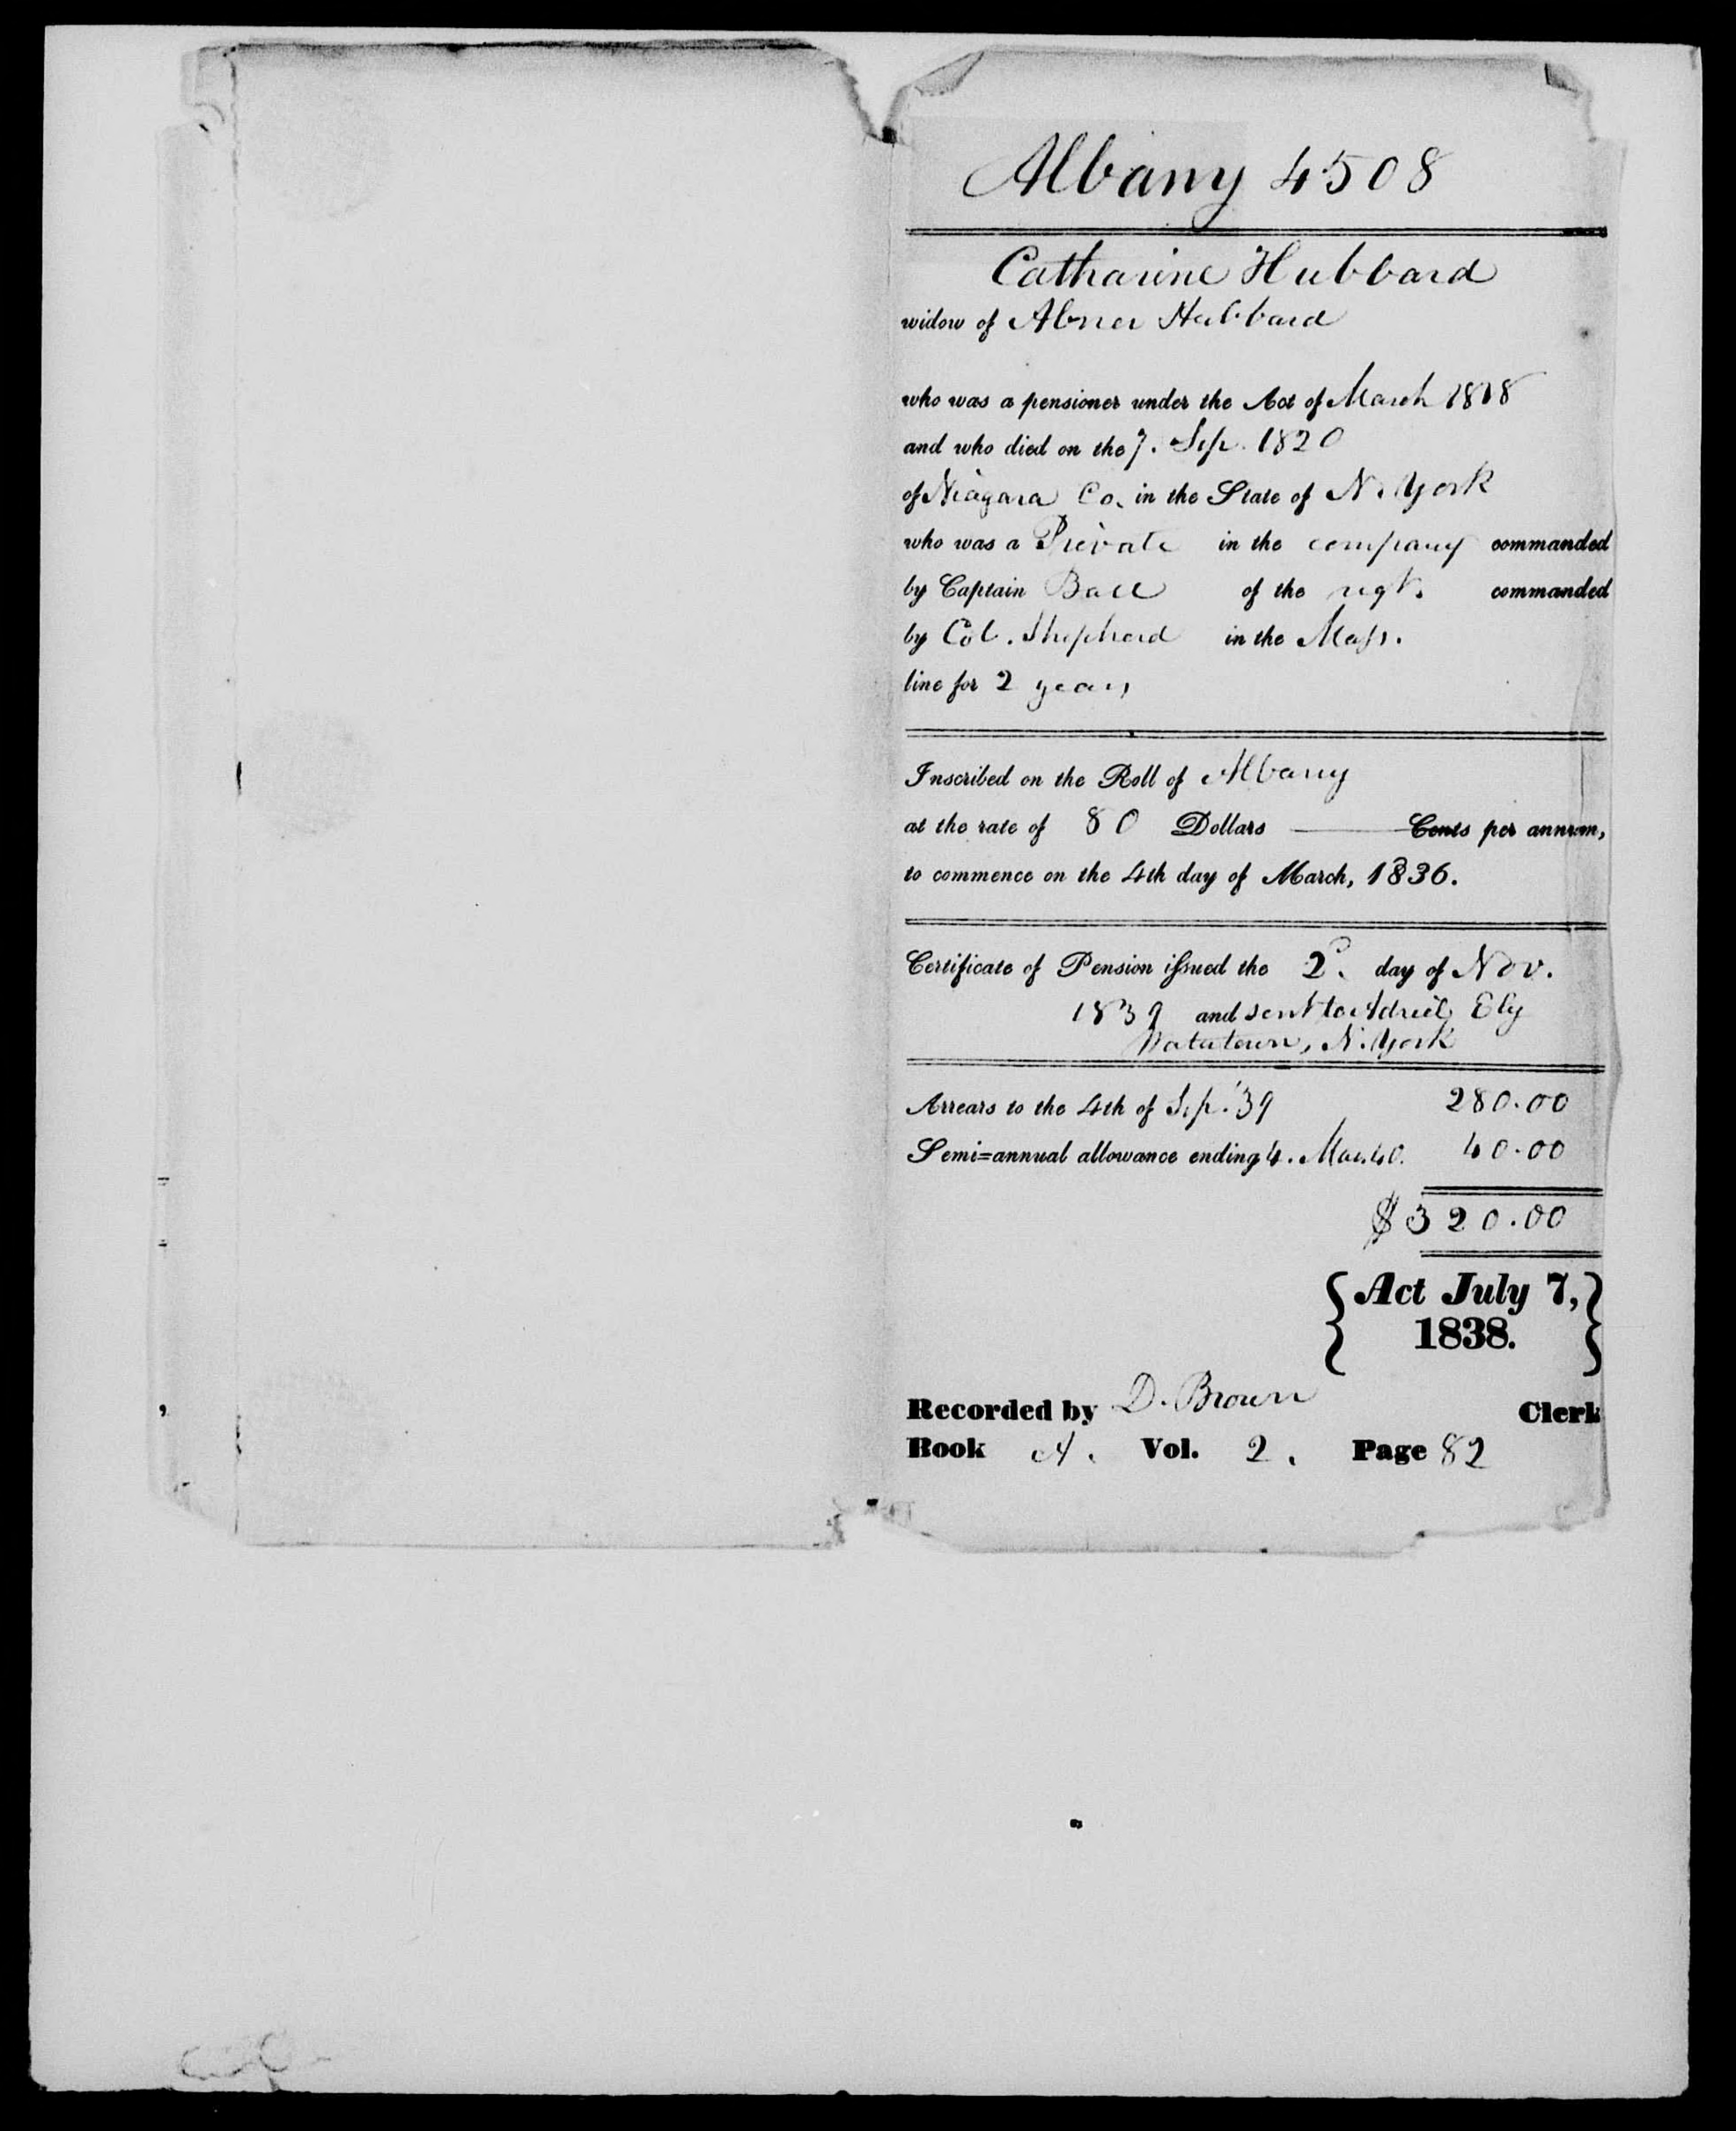Albany 4508
Catharine Hubbard widow of Abner Hubbard
who was a pensioner under the Act of March 1808 and who died on the 7 Sep1820 of Niagara Co. in the State of New York who was a Private in the company commanded by Captain Ball in the rgt commanded by Col. Shepherd in the Majs. [Majors?] line for 2 years
Inscribed on the roll of Albanyat the rate of 80 dollars - cents per annum, to commence on the 4th day of March 1836
Certificate of pension issued the 21 day of Nov. 1837 and sent to [illegible first name] Ely [illegible city] N. York
arrears to the 4th of Sep. '37                       280.00
Semi=annual allowance ending [illegible]   100.00
                                                                      $320.00
                                                                        (Act July7 1838)
Recorded by D. Brown       Clerk
Book A     Vol. 2     Page 82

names: D Brown, Ball, Shepherd, Catharine Hubbard, Adriel Ely, Abner Hubbard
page: 30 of 38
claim: widow's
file: W. 23,381, Abner Hubbard, Continental Mass.